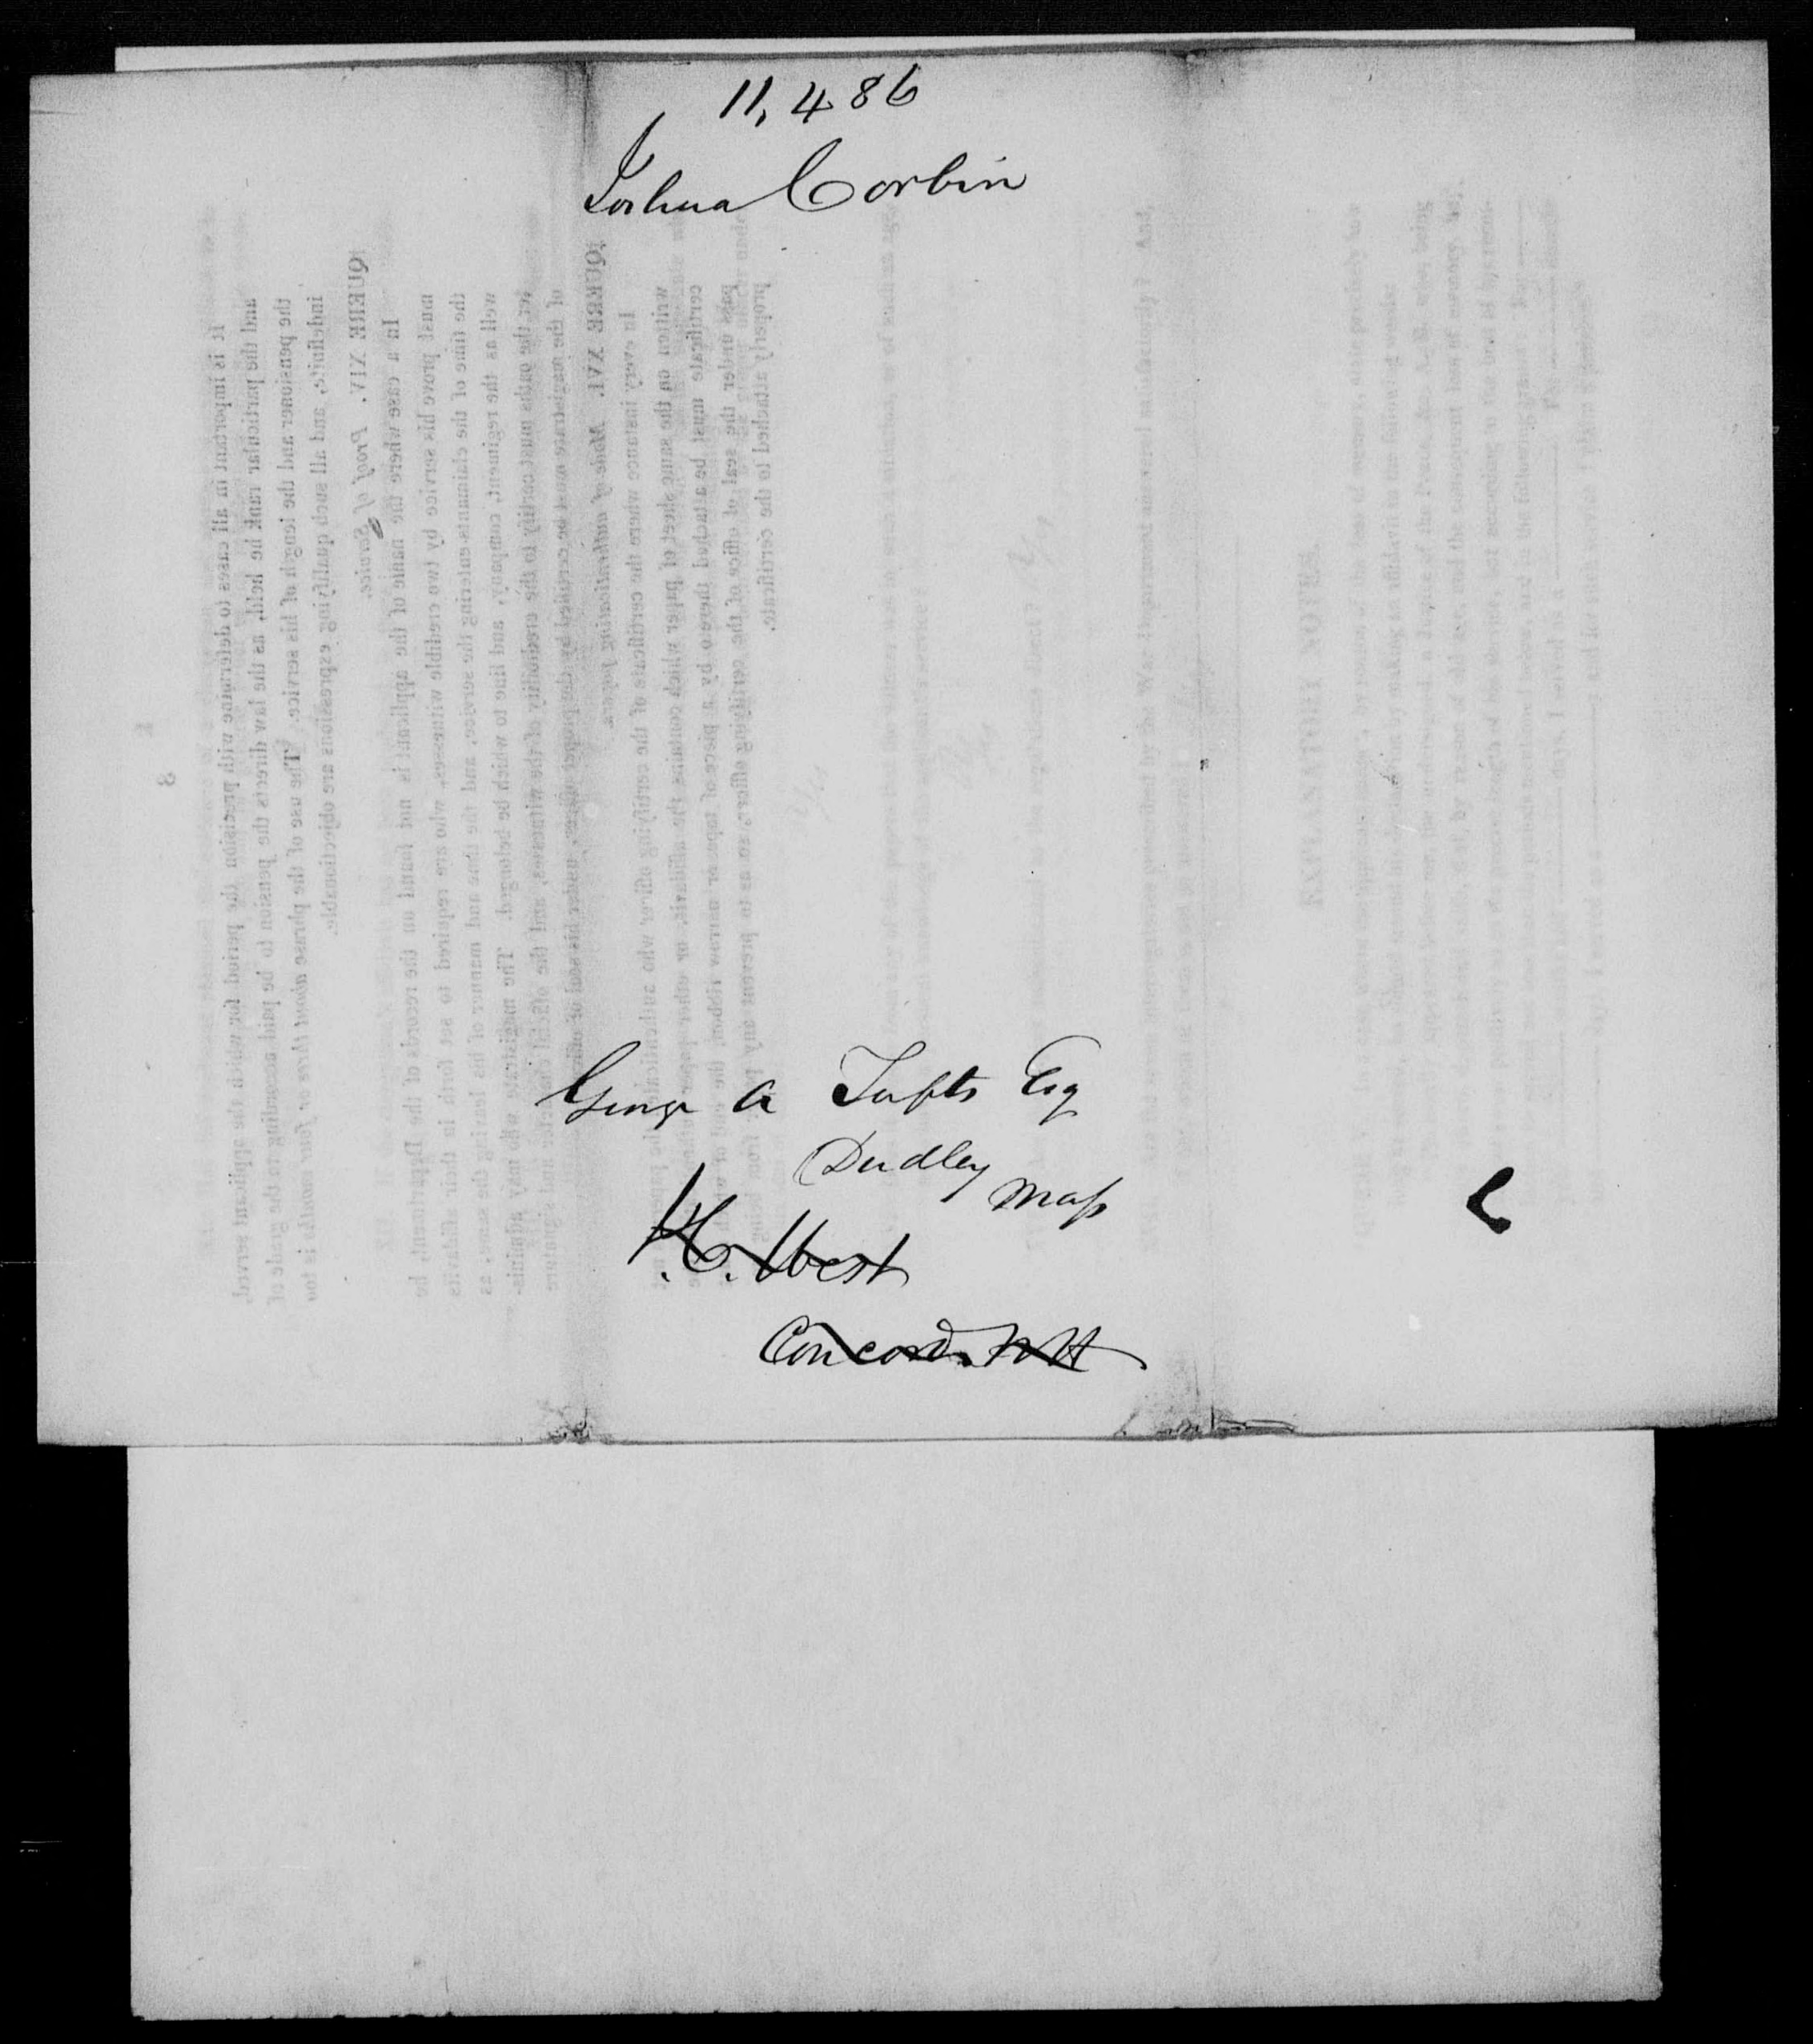11,486
Joshua Corbin

George A Tufts Esq

Dudley Map

J C West Concord MA (this is crossed out)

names: George A Tufts, Joshua Corbin, J C West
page: 10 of 34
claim: survivor's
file: S. 12581, Joshua Corbin, Mass.